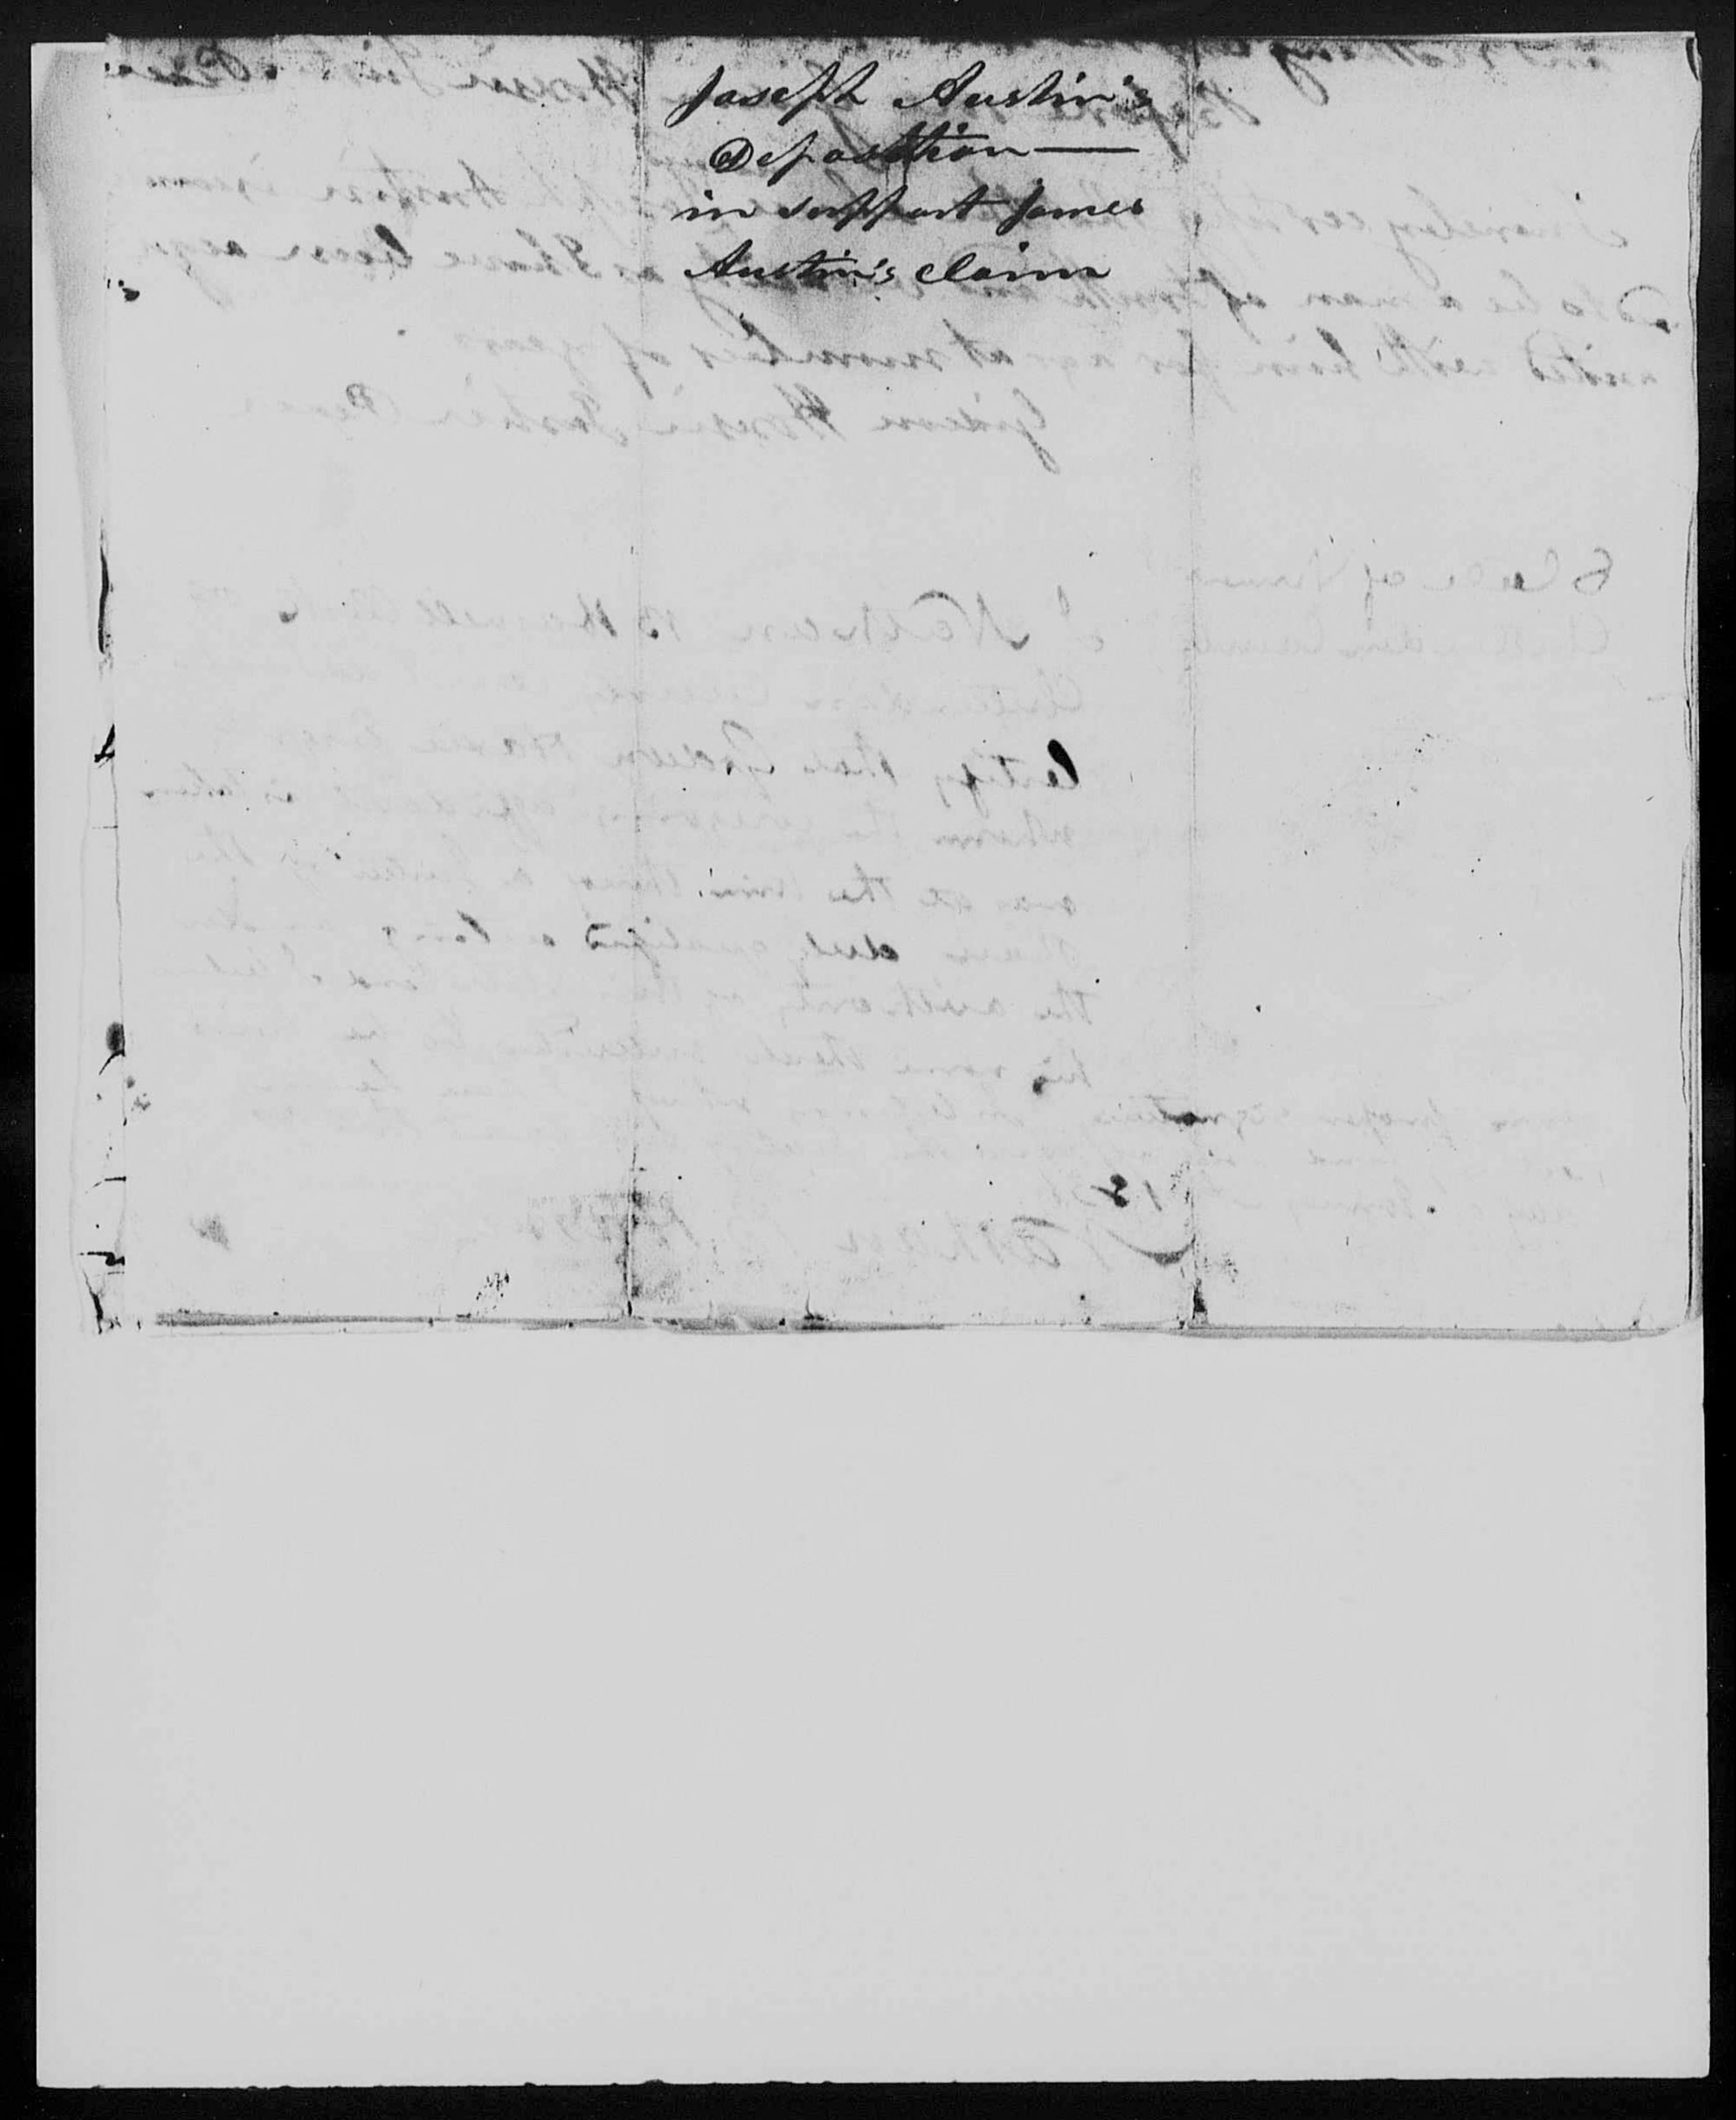Joseph Austin's
Deposition -
in support James Austin's claims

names: Joseph Austin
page: 81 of 100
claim: survivor's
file: S 19186, James Austin, Conn. New York R.I.